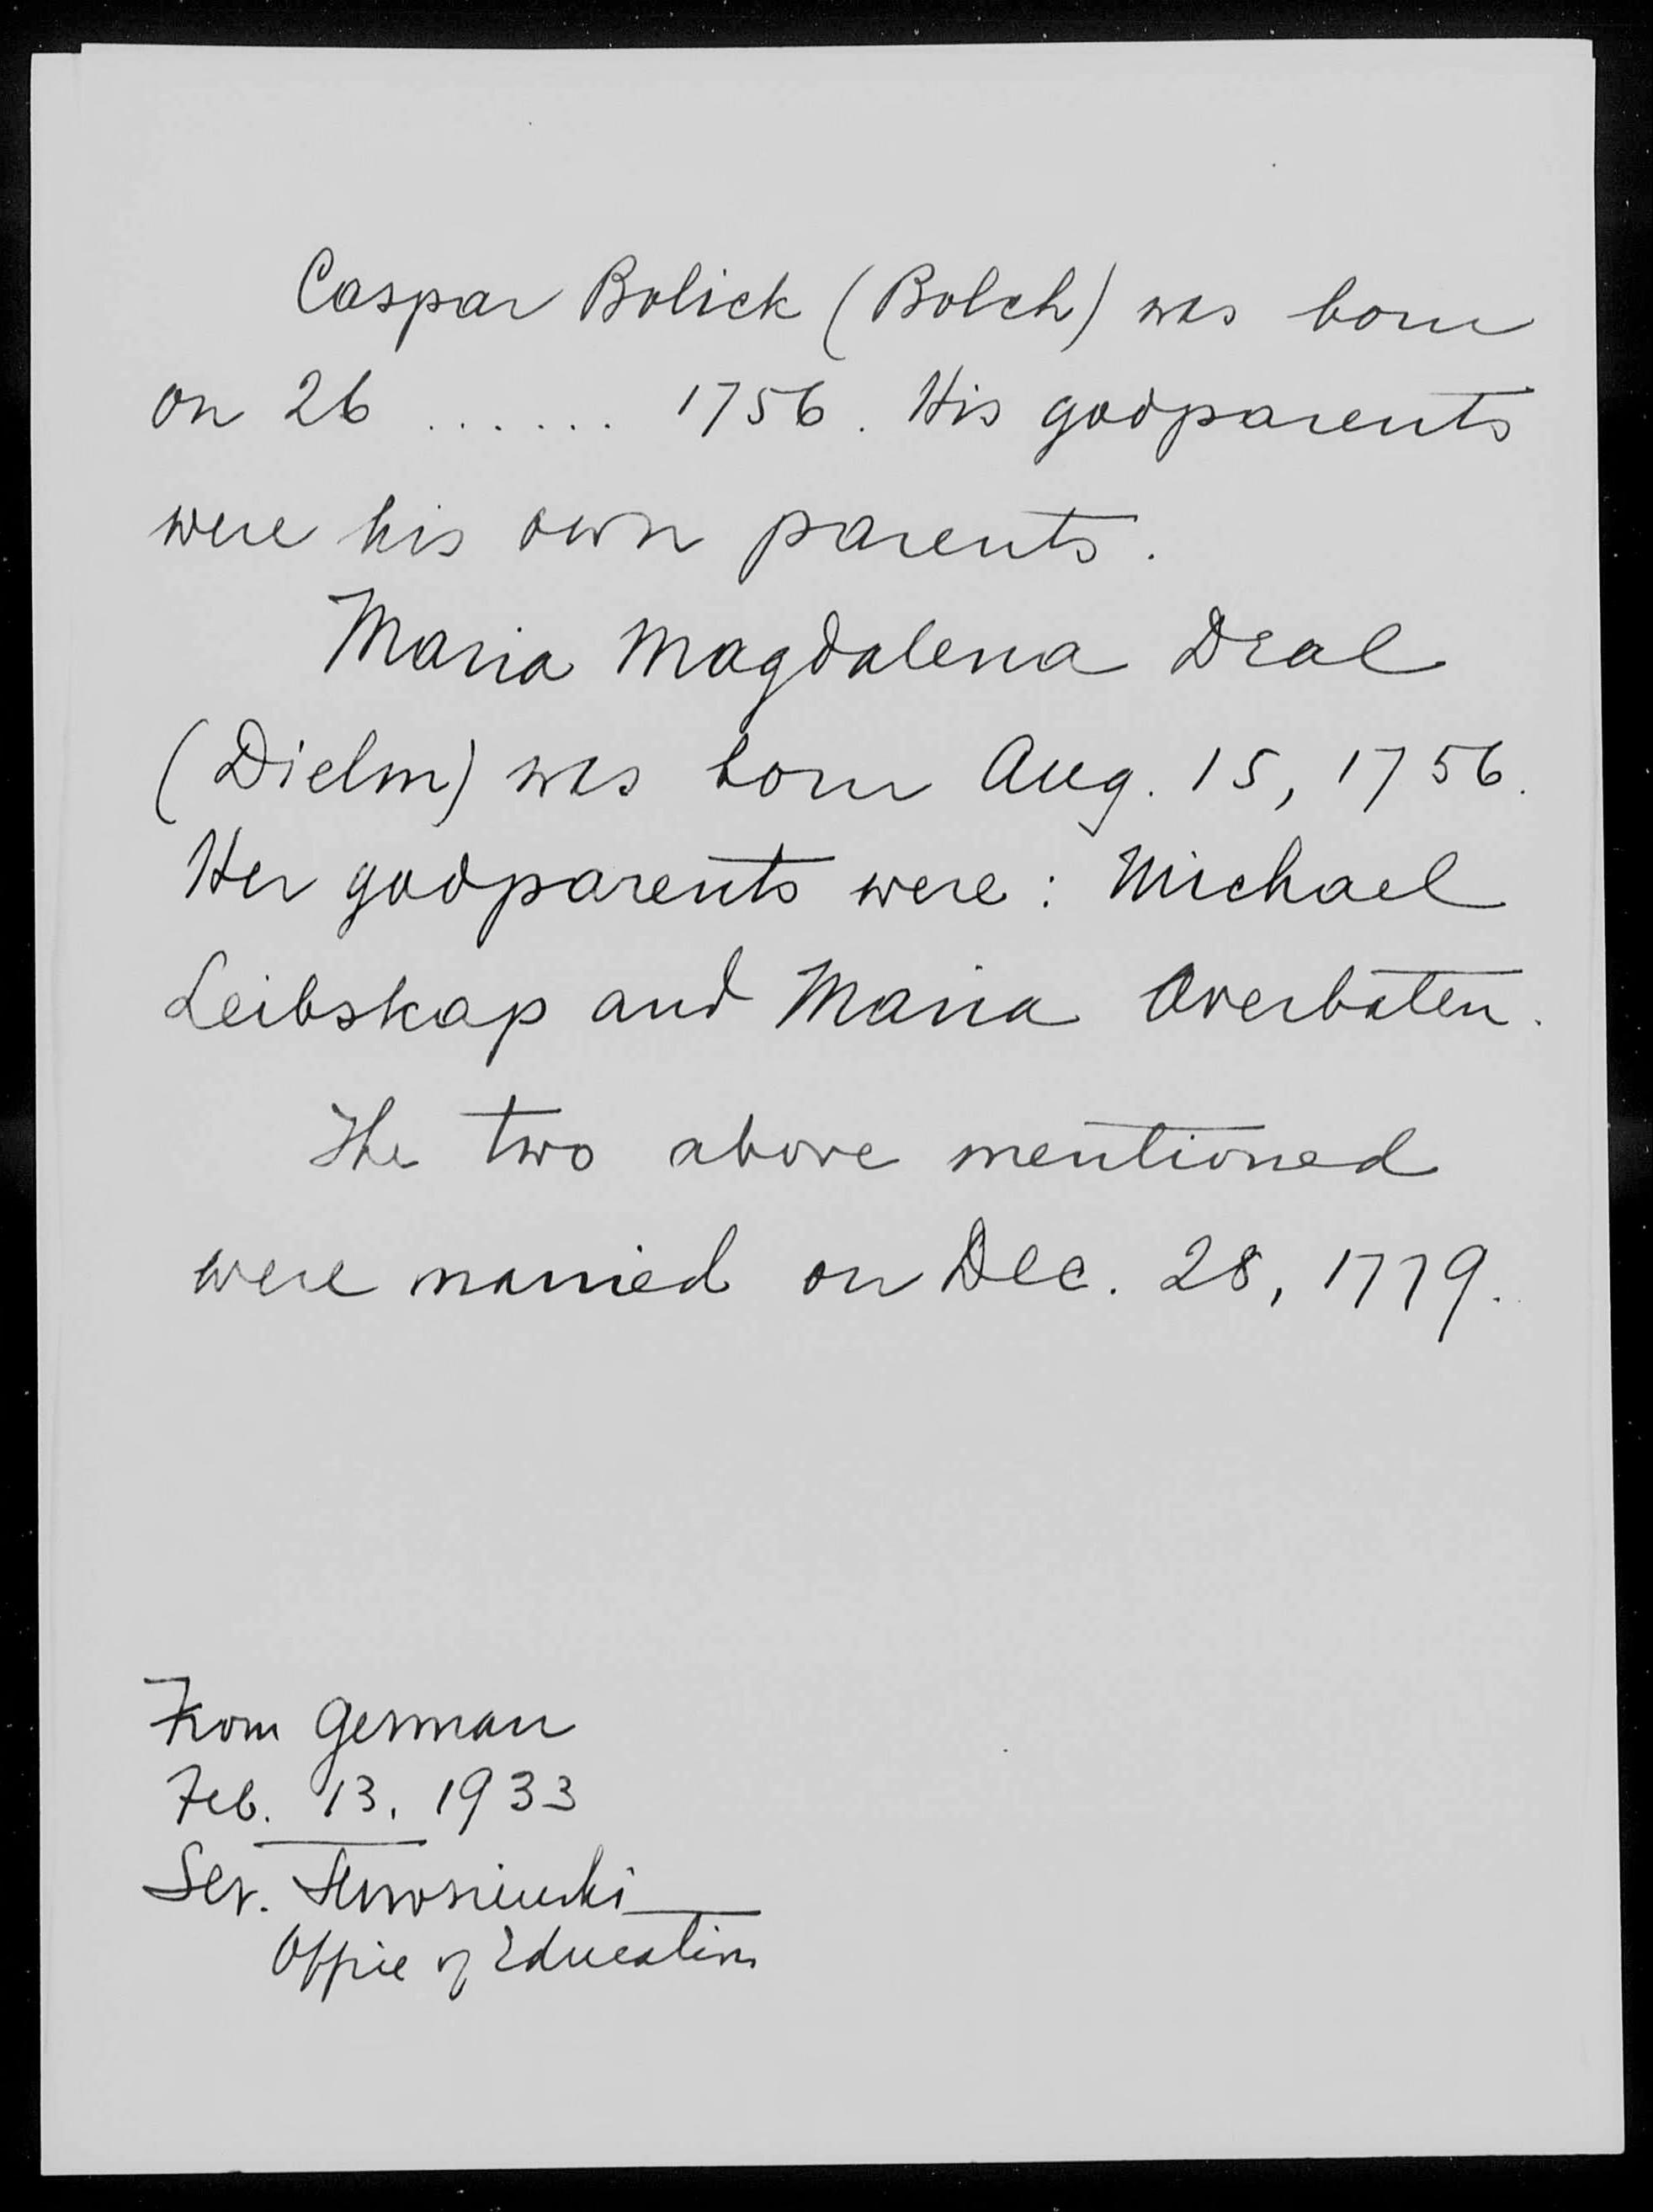[Translation of Marriage License]

Caspar Bolick (Bolch) was born on 26 1756
His godparents were his own parents
Maria Magdalena Deal (Dielm) was born Aug. 15, 1756. Her godparents were Michael Leibskap and Maria Overbaten.
the two above mentioned were married on Dec. 28, 1779.

From German
Feb. 13,1933
Ser. Junoniuhi
Office of Education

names: Casper Bolick, Deal, Maria Magdalena, Dielm, Maria Overbaten, Casper Bolch, Michael Leibskap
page: 16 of 43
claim: widow's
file: W. 18,566, Casper Bolick, N.C.